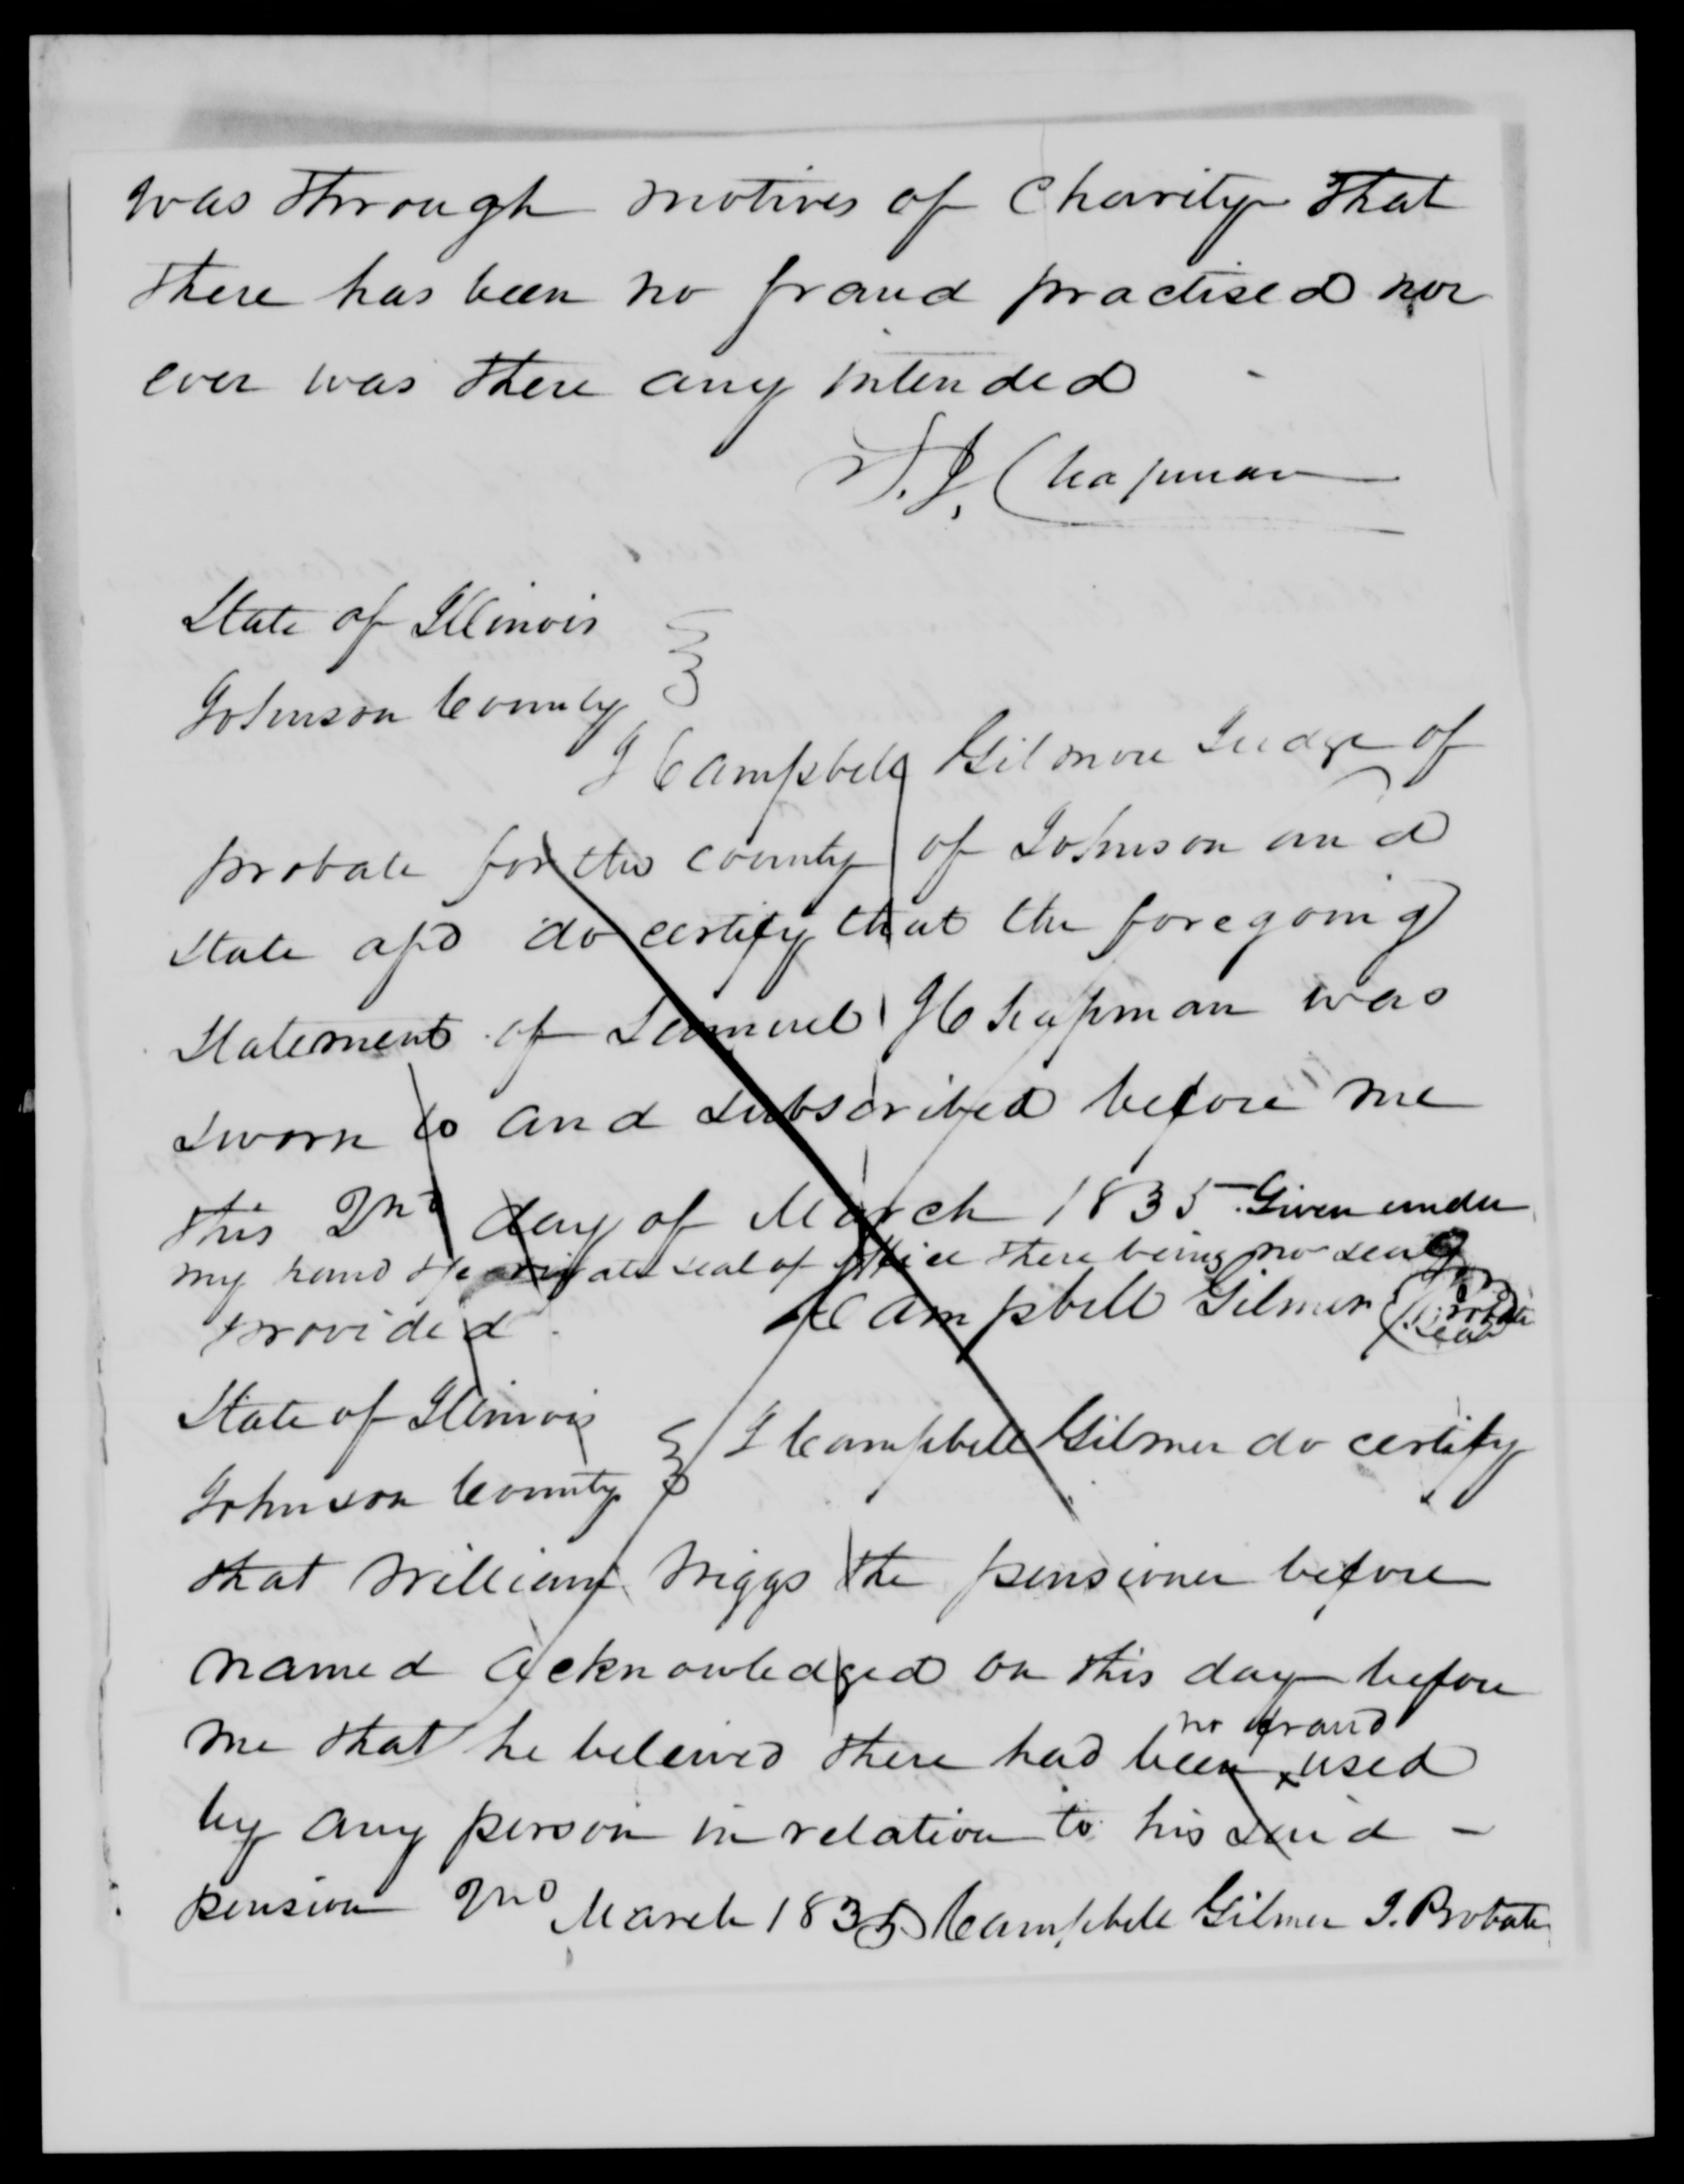was through motives of charity that there has been no fraud practised or ever was there any intended
S. J. Chapman
-
State of Illinois
Johnson County

J Campbell Gilmore Judge of Probate for the County of Johnson and State and do certify that the foregoing Statement of Samuel J Chapman was Sworn to and subscribed before me this 2nd 
day of March 1835.  Given under my hand & private seal of office there being no seal provided
                Campbell Gilmer  [seal]

State of Illinois
Johnson County
   I  Campbell Gilmer do certify that William Briggs the pensioner before named acknowledged on this day before me that he believes there had been no Fraud used by any person in relation to his suspension.  2nd  March 1835     Campbell Gilmore  J Probate.

Mr March 1835 Campbell Gilmer I. Probate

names: Campbell Gilmore, Samuel J Chapman, William Wiggs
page: 17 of 31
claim: survivor's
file: S. 32608, William Wiggs, N.C.